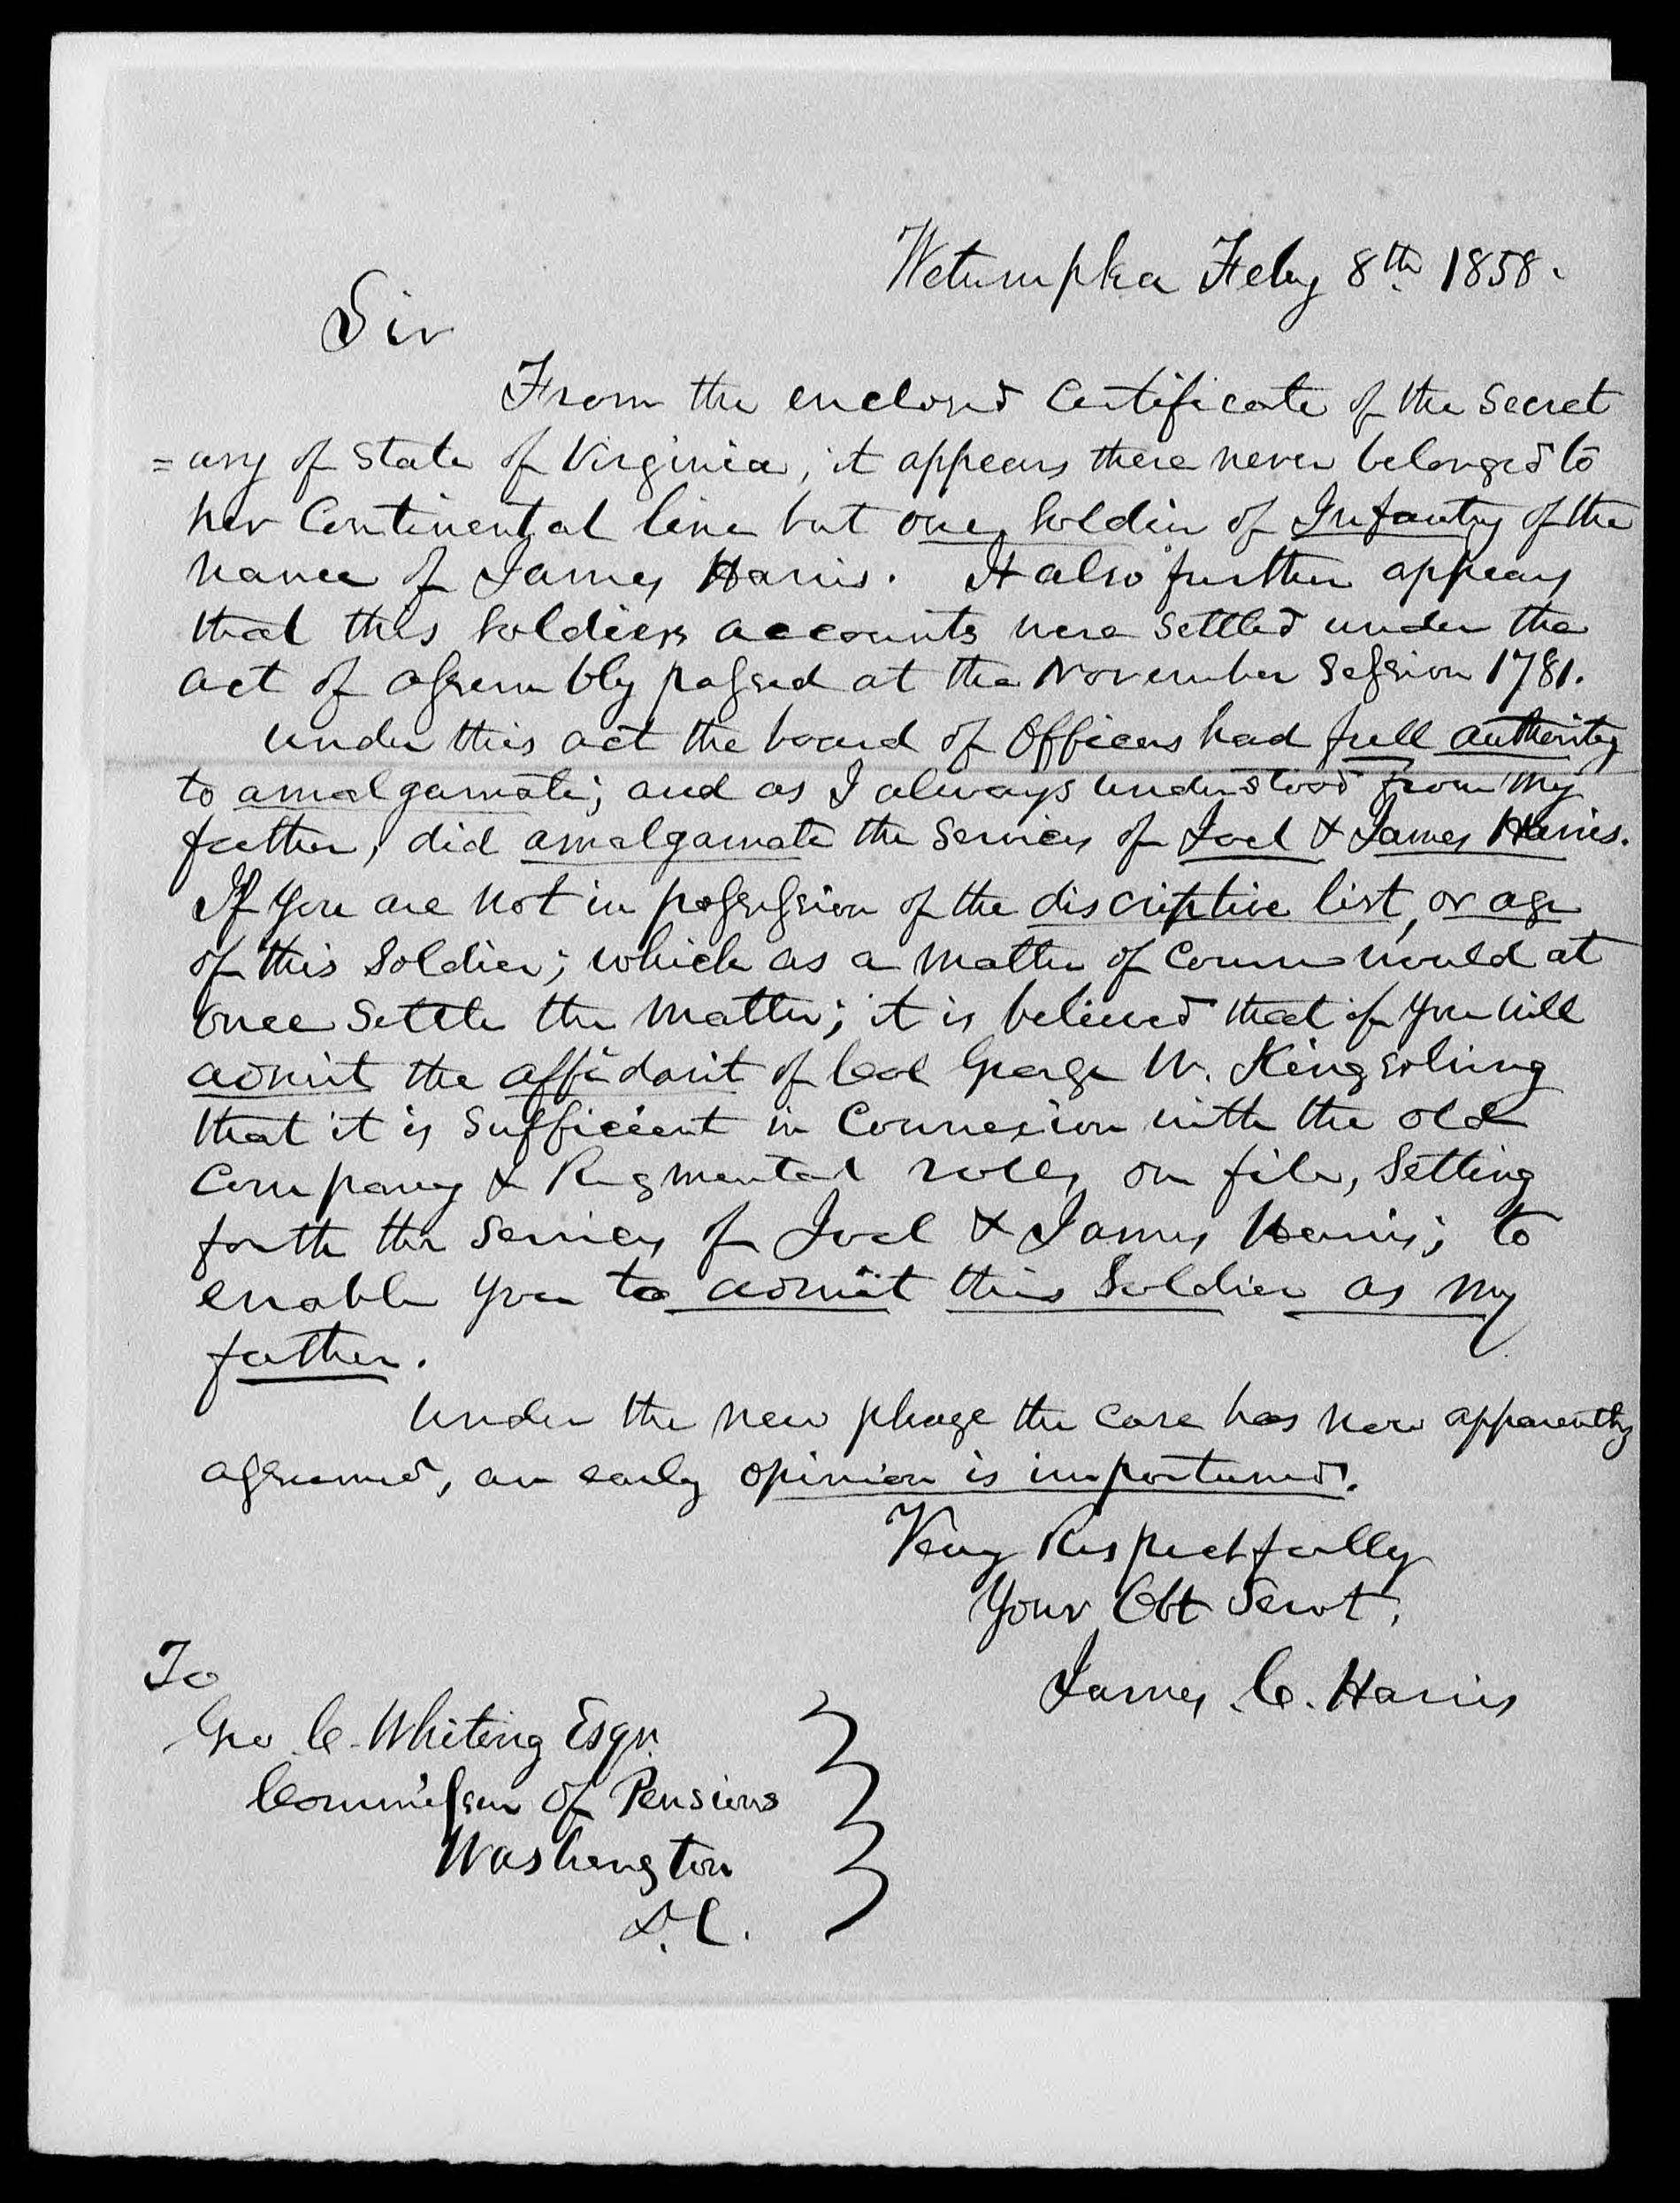Wetumpka Feby 8th 1858
Sir
From the enclosed certificate of the secretary of state of Virginia, it appears there never belonged to her Continental line but one soldier of Infantry of the name of James Harris.  It also further appears that this soldiers accounts were settled under the act of assembly passed at the November session 1781. 
Under this act the board of Officers had full authority to amalgamate, and as I always understood from my father, did amalgamate the services of Joel & James Harris.  
If you are not in possession of the discriptive [sic] list, or age of this soldier, which as a matter of course would at once settle the matter, it is believed that if you will admit the affidavit of Col George W. Kingsolving that it is sufficient in connexion with the old Company & Regimental rolls on file, Setting forth the services of Joel & James Harris, to enable  you to admit this soldier as my father.
Under the new phaze the case has now apparently assumed, an early opinion is importuned.
Very Respectfully
Your Obt Servt,
James C. Harris

To
Geo. C. Whiting Esqr  }
Commissioner of Pensions }
Washington  }
D.C.   }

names: James C Harris, Joel Harris, Geo C Whiting, James Harris, James Harris, George W Kingsolving, James Harris, Joel Harris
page: 148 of 160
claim: rejected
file: R. 4666, James Harris, Va.